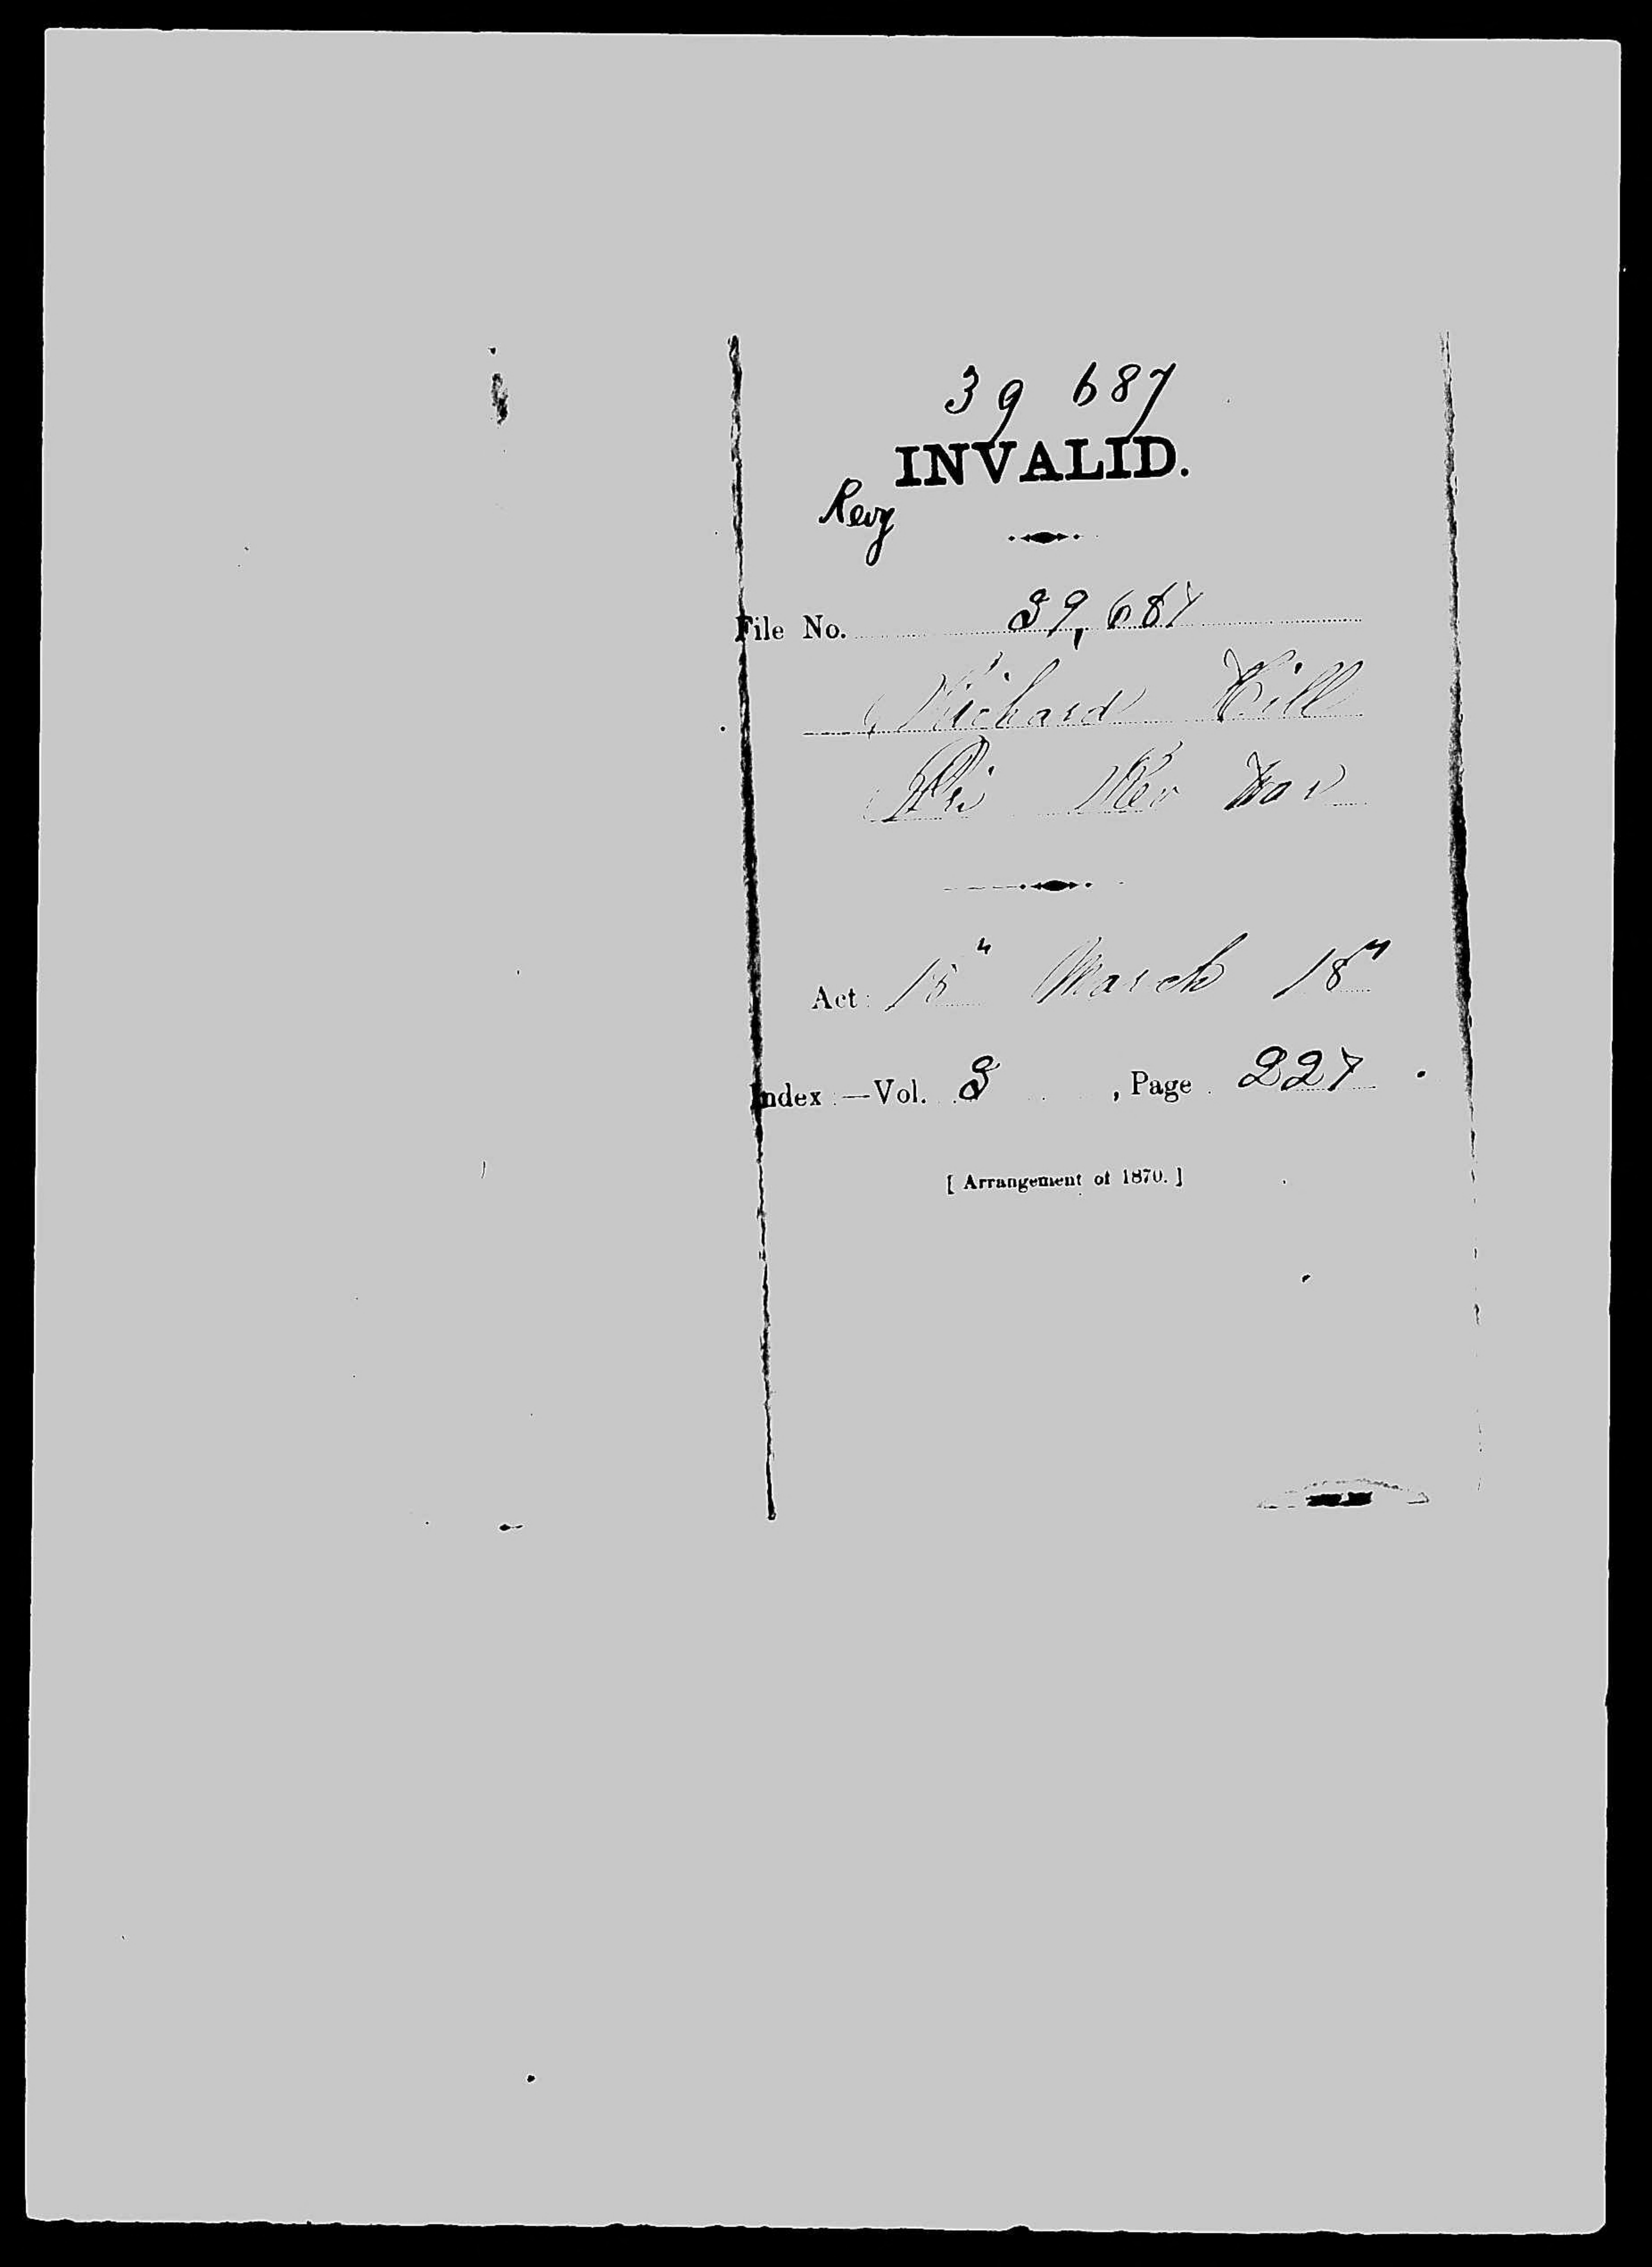39 687
[Printed] INVALID
Rev.

[Printed[ File No. [Written] 39,687
Richard Hill
Pri. Rev. War

Act 15th March 18th
[Printed] - Vol. [Written[ 2, [Printed] Page [Written] 227

[Printed within braces] [Arrangement of 1870.]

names: Richard Hill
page: 2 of 7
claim: survivor's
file: S 39,687, Richard Hill, Mass.